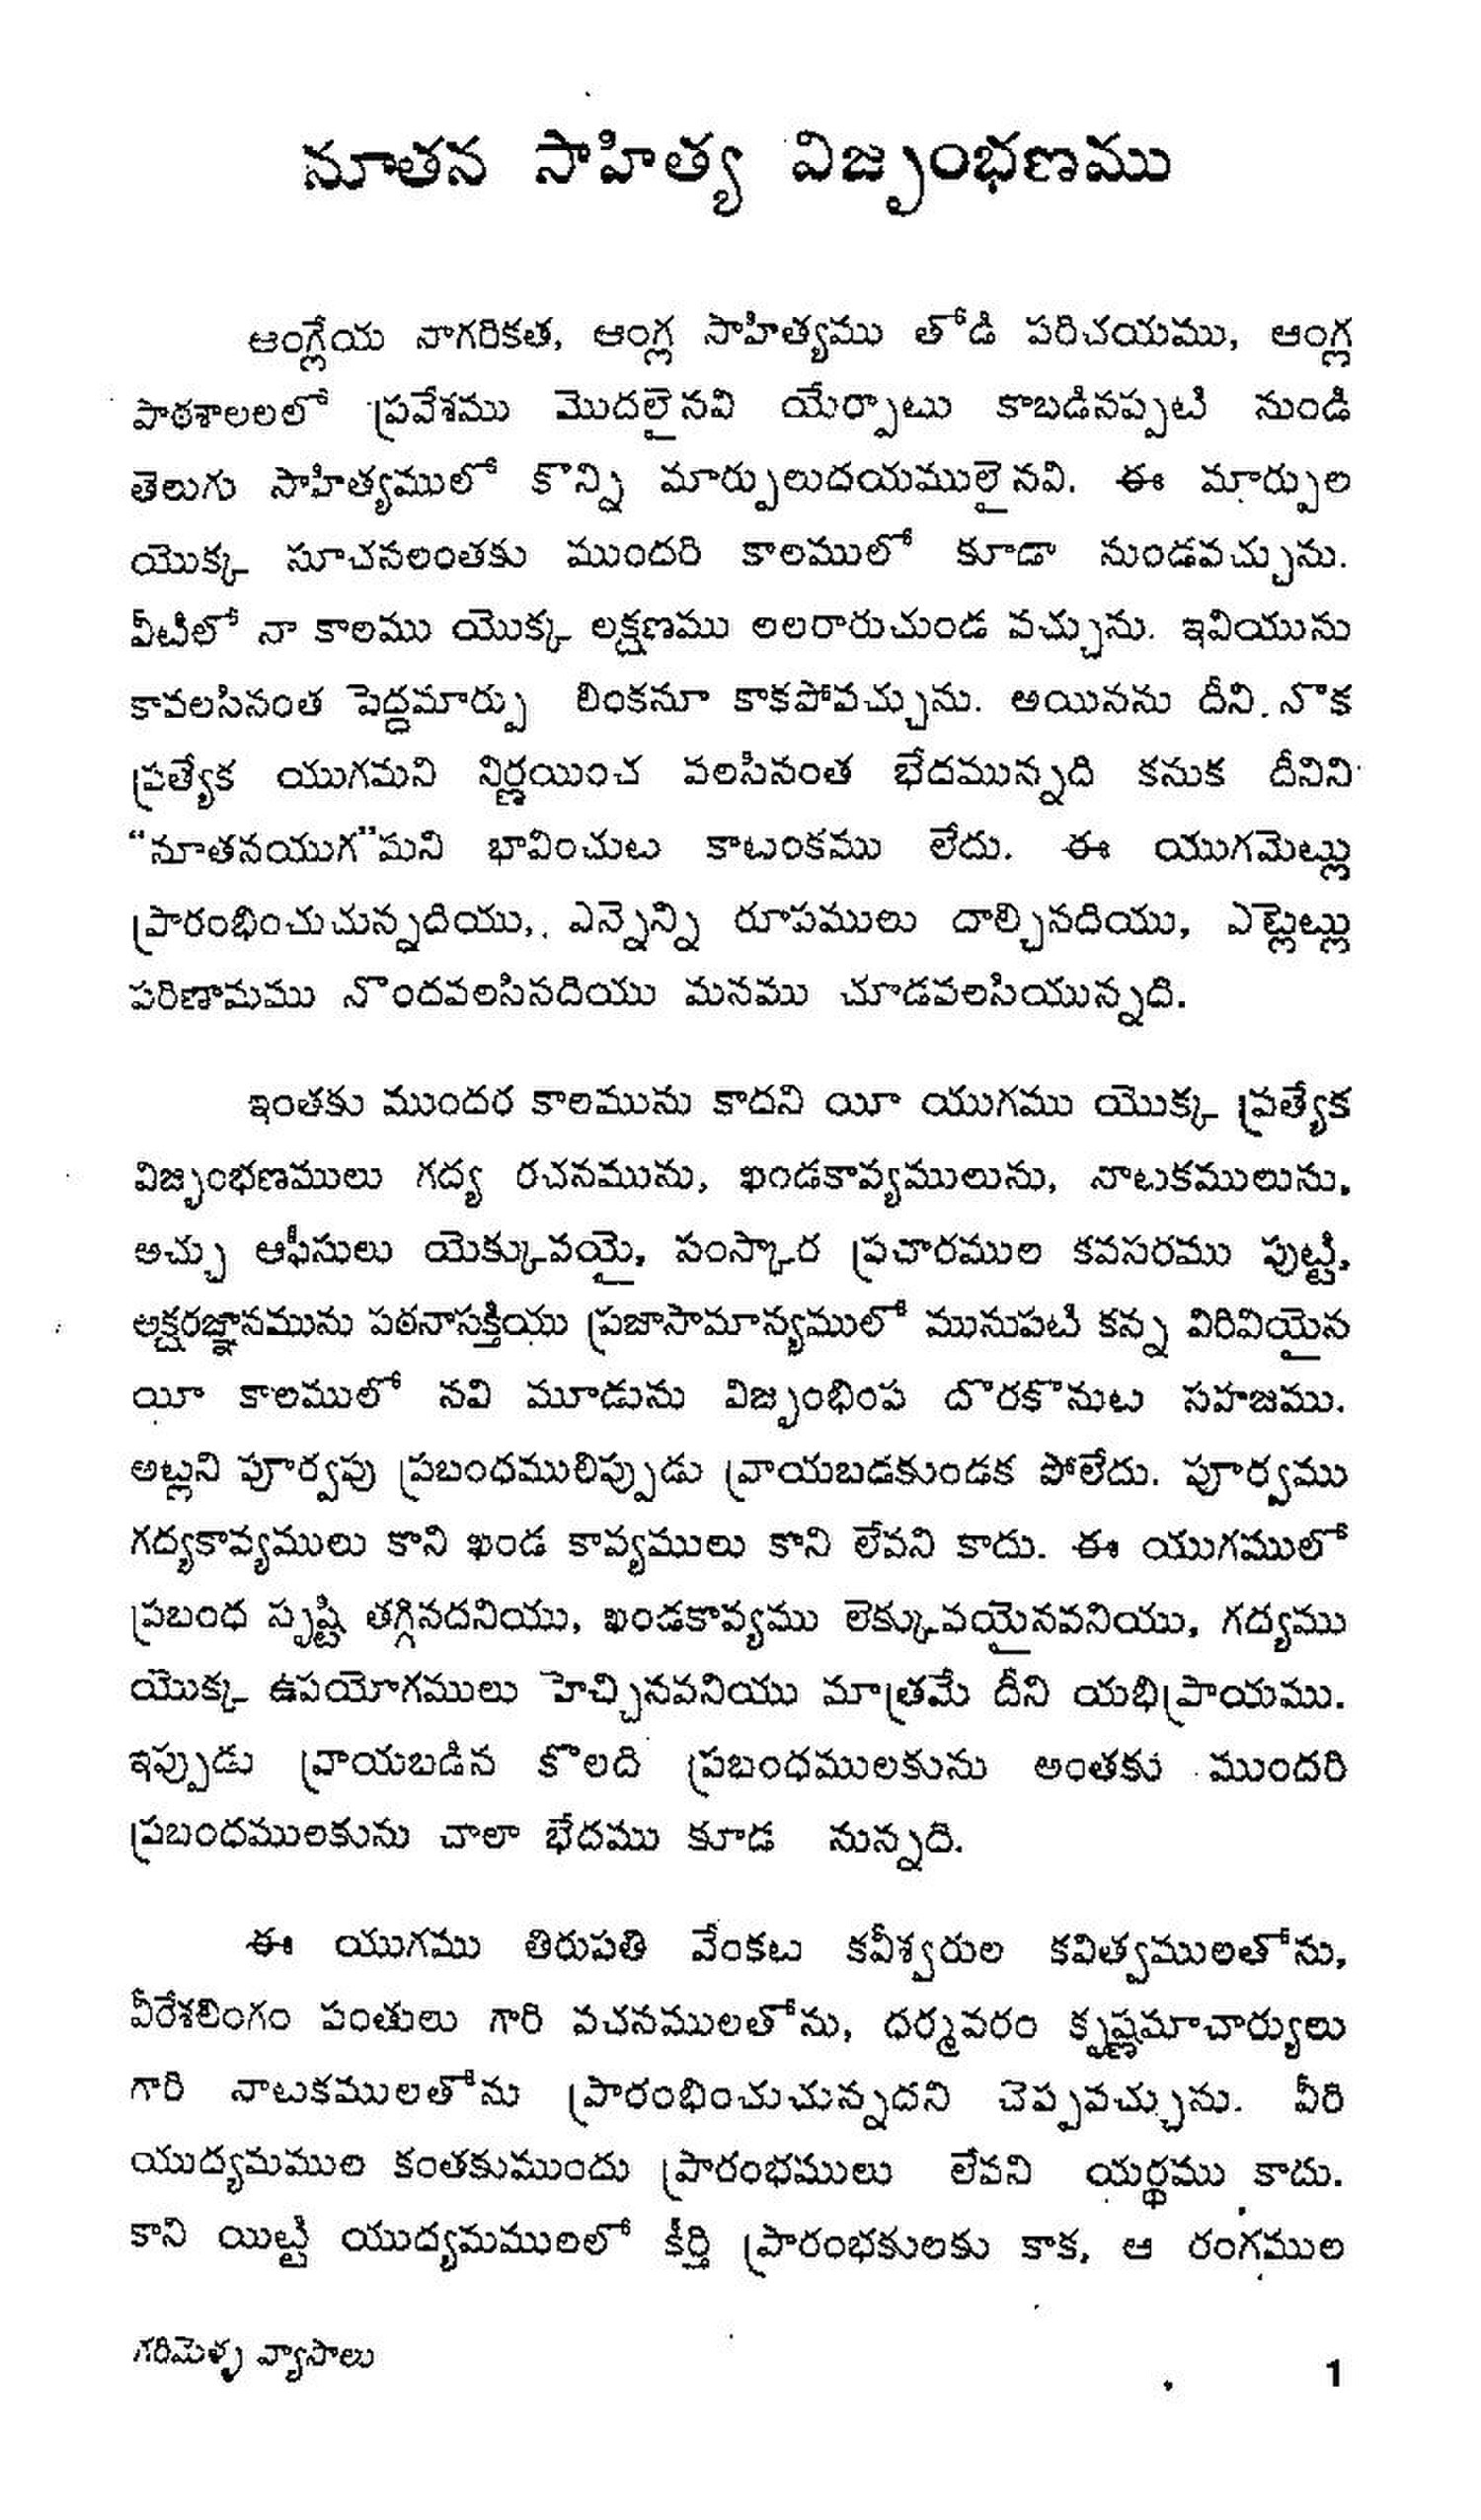నూతన సాహిత్య విజృంభణము

ఆంగ్లేయ నాగరికత, ఆంగ్ల సాహిత్యము తోడి పరిచయము, ఆంగ్ల పాఠశాలలలో ప్రవేశము మొదలైనవి యేర్పాటు కాబడినప్పటి నుండి తెలుగు సాహిత్యములో కొన్ని మార్పులుదయములైనవి. ఈ మార్పుల యొక్క సూచనలంతకు ముందరి కాలములో కూడా నుండవచ్చును. వీటిలో నా కాలము యొక్క లక్షణము లలరారుచుండ వచ్చును. ఇవియును కావలసినంత పెద్దమార్పు లింకనూ కాకపొవచ్చును. అయినను దీని నొక ప్రత్యేక యుగమని నిర్ణయించ వలసినంత భేదమున్నది కనుక దీనిని "నూతనయుగ"మని బావించుట కాటంకము లెదు. ఈ యుగమెట్లు ప్రారంభించుచున్నదియు, ఎన్నెన్ని రూపములు దల్చినదియు, ఎట్లెట్లు పరిణామము నొందవలసినదియు మనము చూడవలసియున్నది.

ఇంతకు ముందర కాలమును కాదని యీ యుగము యొక్క ప్రత్యేక విజృంభనములు గద్య రచనమును, ఖండకావ్యములును, నాటకములును అచ్చు ఆఫీసులు యెక్కువయై, సంస్కార ప్రచారముల కవసరము పుట్టి, అక్షరజ్ఞానమును పఠనాసక్తియు ప్రజాసామాన్యములో మునుపటి కన్న విరివియైన యీ కాలములో నవి మూడును విజృంభింప దొరకొనుట సహజము. అట్లని పూర్వపు ప్రబంధములిప్పుడు వ్రాయబడకుండక పోలేదు. పూర్వము గద్యకావ్యములు కాని ఖండ కావ్యములు కాని లేవని కాదు. ఈ యుగములో ప్రబంధ సృష్టి తగ్గినదనియు, ఖండకావ్యము లెక్కువయైనవనియు, గద్యముయొక్క ఉపయోగములు హెచ్చినవనియు మాత్రమే దీని యభిప్రాయము. ఇప్పుడు వ్రాయబడిన కొలది ప్రబంధములకును అంతకు ముందరి ప్రబంధములకును చాలా భేదము కూడ నున్నది.

ఈ యుగము తిరుపతి వేంకట కవీశ్వరుల కవిత్వములతోను, వీరేశలింగం పంతులు గారి వచనములతోను ధర్మవరం కృష్ణమాచార్యులు గారి నాటకములతోను ప్రారభించుచున్నదని చెప్పవచ్చును. వీరి యుద్యమముల కంతకుముందు ప్రారంభములు లేవని యర్ధము కాదు. కాని యిట్టి యుద్యమములలో కీర్తి ప్రారంభకులకు కాక, ఆ రంగముల